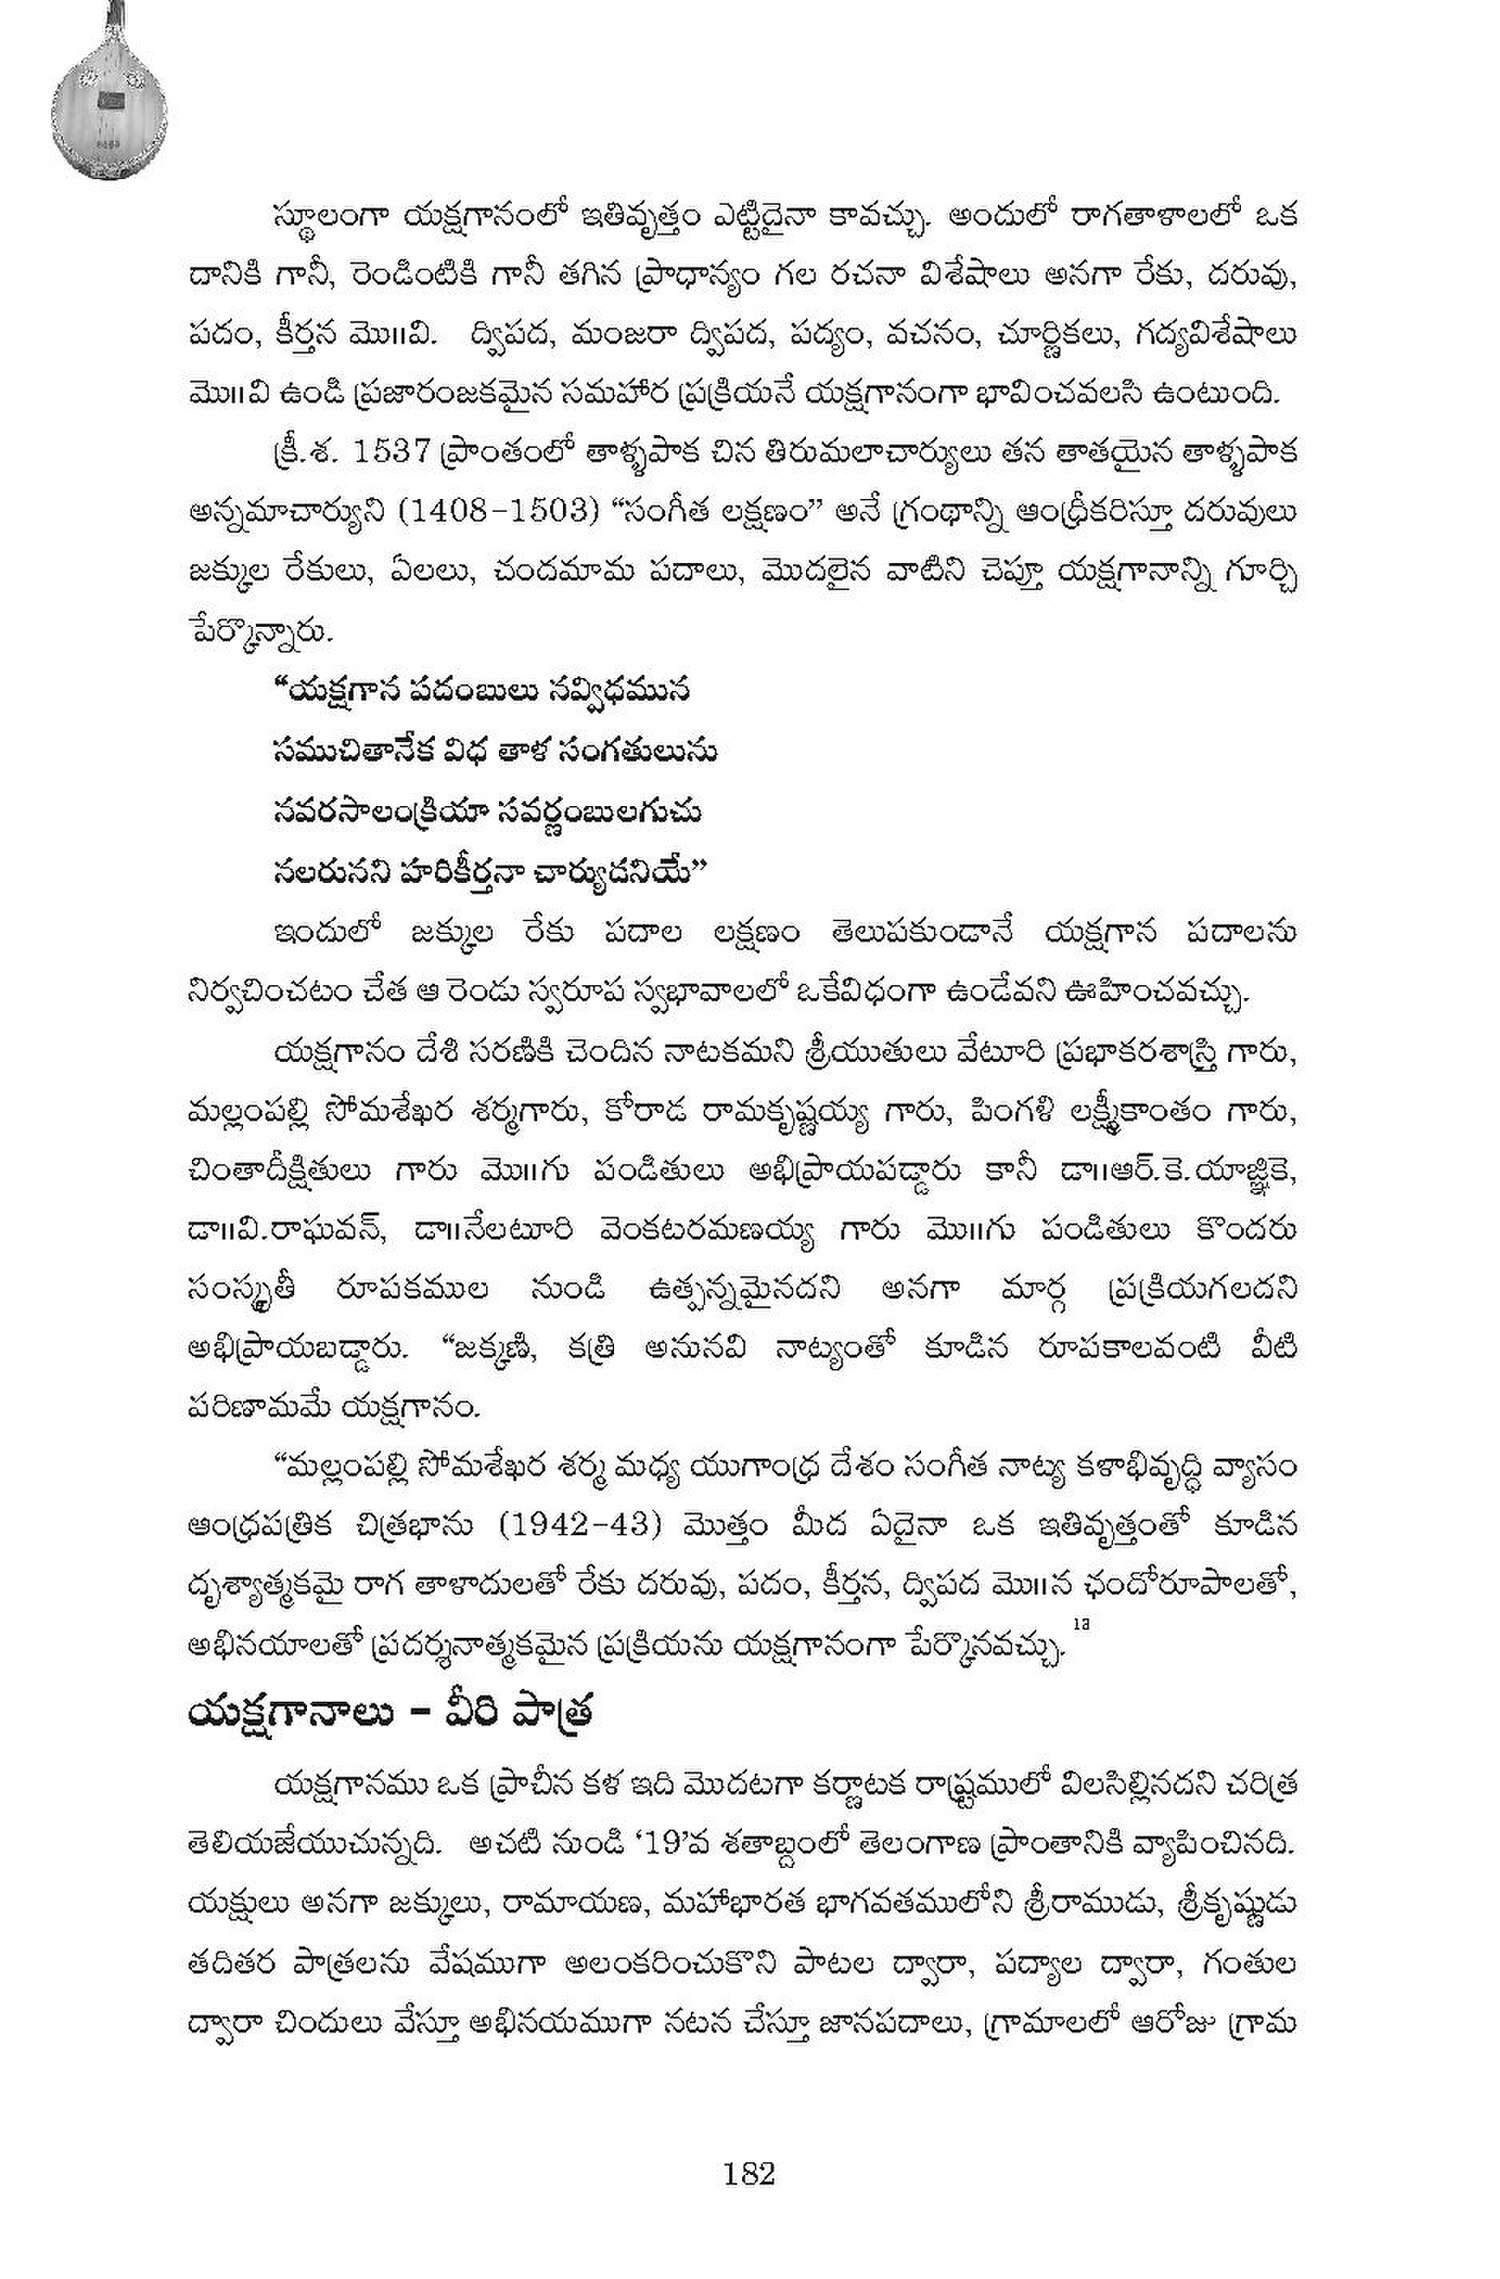స్థూలంగా యక్షగానంలో ఇతివృత్తం ఎట్టిదైనా కావచ్చు. అందులో రాగతాళాలలో ఒక దానికి గానీ, రెండింటికి గానీ తగిన ప్రాధాన్యం గల రచనా విశేషాలు అనగా రేకు, దరువు, పదం, కీర్తన మొ౹౹వి. ద్విపద, మంజరా ద్విపద, పద్యం, వచనం, చూర్ణికలు, గద్యవిశేషాలు మొ౹౹వి ఉండి ప్రజారంజకమైన సమహార ప్రక్రియనే యక్షగానంగా భావించవలసి ఉంటుంది.

క్రీ.శ. 1537 ప్రాంతంలో తాళ్ళపాక చిన తిరుమలాచార్యులు తన తాతయైన తాళ్ళపాక అన్నమాచార్యుని (1408-1503) "సంగీత లక్షణం" అనే గ్రంథాన్ని ఆంధ్రీకరిస్తూ దరువులు జక్కుల రేకులు, ఏలలు, చందమామ పదాలు, మొదలైన వాటిని చెప్తూ యక్షగానాన్ని గూర్చి పేర్కొన్నారు.

“యక్షగాన పదంబులు నవ్విధమున
సముచితానేక విధ తాళ సంగతులును
నవరసాలంక్రియా సవర్ణంబులగుచు
నలరునని హరికీర్తనా చార్యుడనియే”

ఇందులో జక్కుల రేకు పదాల లక్షణం తెలుపకుండానే యక్షగాన పదాలను నిర్వచించటం చేత ఆ రెండు స్వరూప స్వభావాలలో ఒకేవిధంగా ఉండేవని ఊహించవచ్చు.

యక్షగానం దేశి సరణికి చెందిన నాటకమని శ్రీయుతులు వేటూరి ప్రభాకరశాస్త్రి గారు, మల్లంపల్లి సోమశేఖర శర్మగారు, కోరాడ రామకృష్ణయ్య గారు, పింగళి లక్ష్మీకాంతం గారు, చింతాదీక్షితులు గారు మొ౹౹గు పండితులు అభిప్రాయపడ్డారు కానీ డా॥ఆర్.కె. యాజ్ఞికె, డా౹౹ వి. రాఘవన్, డా౹౹నేలటూరి వెంకటరమణయ్య గారు మొ౹౹గు పండితులు కొందరు సంస్కృతీ రూపకముల నుండి ఉత్పన్నమైనదని అనగా మార్గ ప్రక్రియగలదని అభిప్రాయబడ్డారు. “జక్కణి, కత్రి అనునవి నాట్యంతో కూడిన రూపకాలవంటి వీటి పరిణామమే యక్షగానం.

“మల్లంపల్లి సోమశేఖర శర్మ మధ్య యుగాంధ్ర దేశం సంగీత నాట్య కళాభివృద్ధి వ్యాసం ఆంధ్రపత్రిక చిత్రభాను (1942-43) మొత్తం మీద ఏదైనా ఒక ఇతివృత్తంతో కూడిన దృశ్యాత్మకమై రాగ తాళాదులతో రేకు దరువు, పదం, కీర్తన, ద్విపద మొ౹౹న ఛందోరూపాలతో, అభినయాలతో ప్రదర్శనాత్మకమైన ప్రక్రియను యక్షగానంగా పేర్కొనవచ్చు."

యక్షగానాలు – వీరి పాత్ర

యక్షగానము ఒక ప్రాచీన కళ ఇది మొదటగా కర్ణాటక రాష్ట్రములో విలసిల్లినదని చరిత్ర తెలియజేయుచున్నది. అచటి నుండి '19'వ శతాబ్దంలో తెలంగాణ ప్రాంతానికి వ్యాపించినది. యక్షులు అనగా జక్కులు, రామాయణ, మహాభారత భాగవతములోని శ్రీరాముడు, శ్రీకృష్ణుడు తదితర పాత్రలను వేషముగా అలంకరించుకొని పాటల ద్వారా, పద్యాల ద్వారా, గంతుల ద్వారా చిందులు వేస్తూ అభినయముగా నటన చేస్తూ జానపదాలు, గ్రామాలలో ఆరోజు గ్రామ